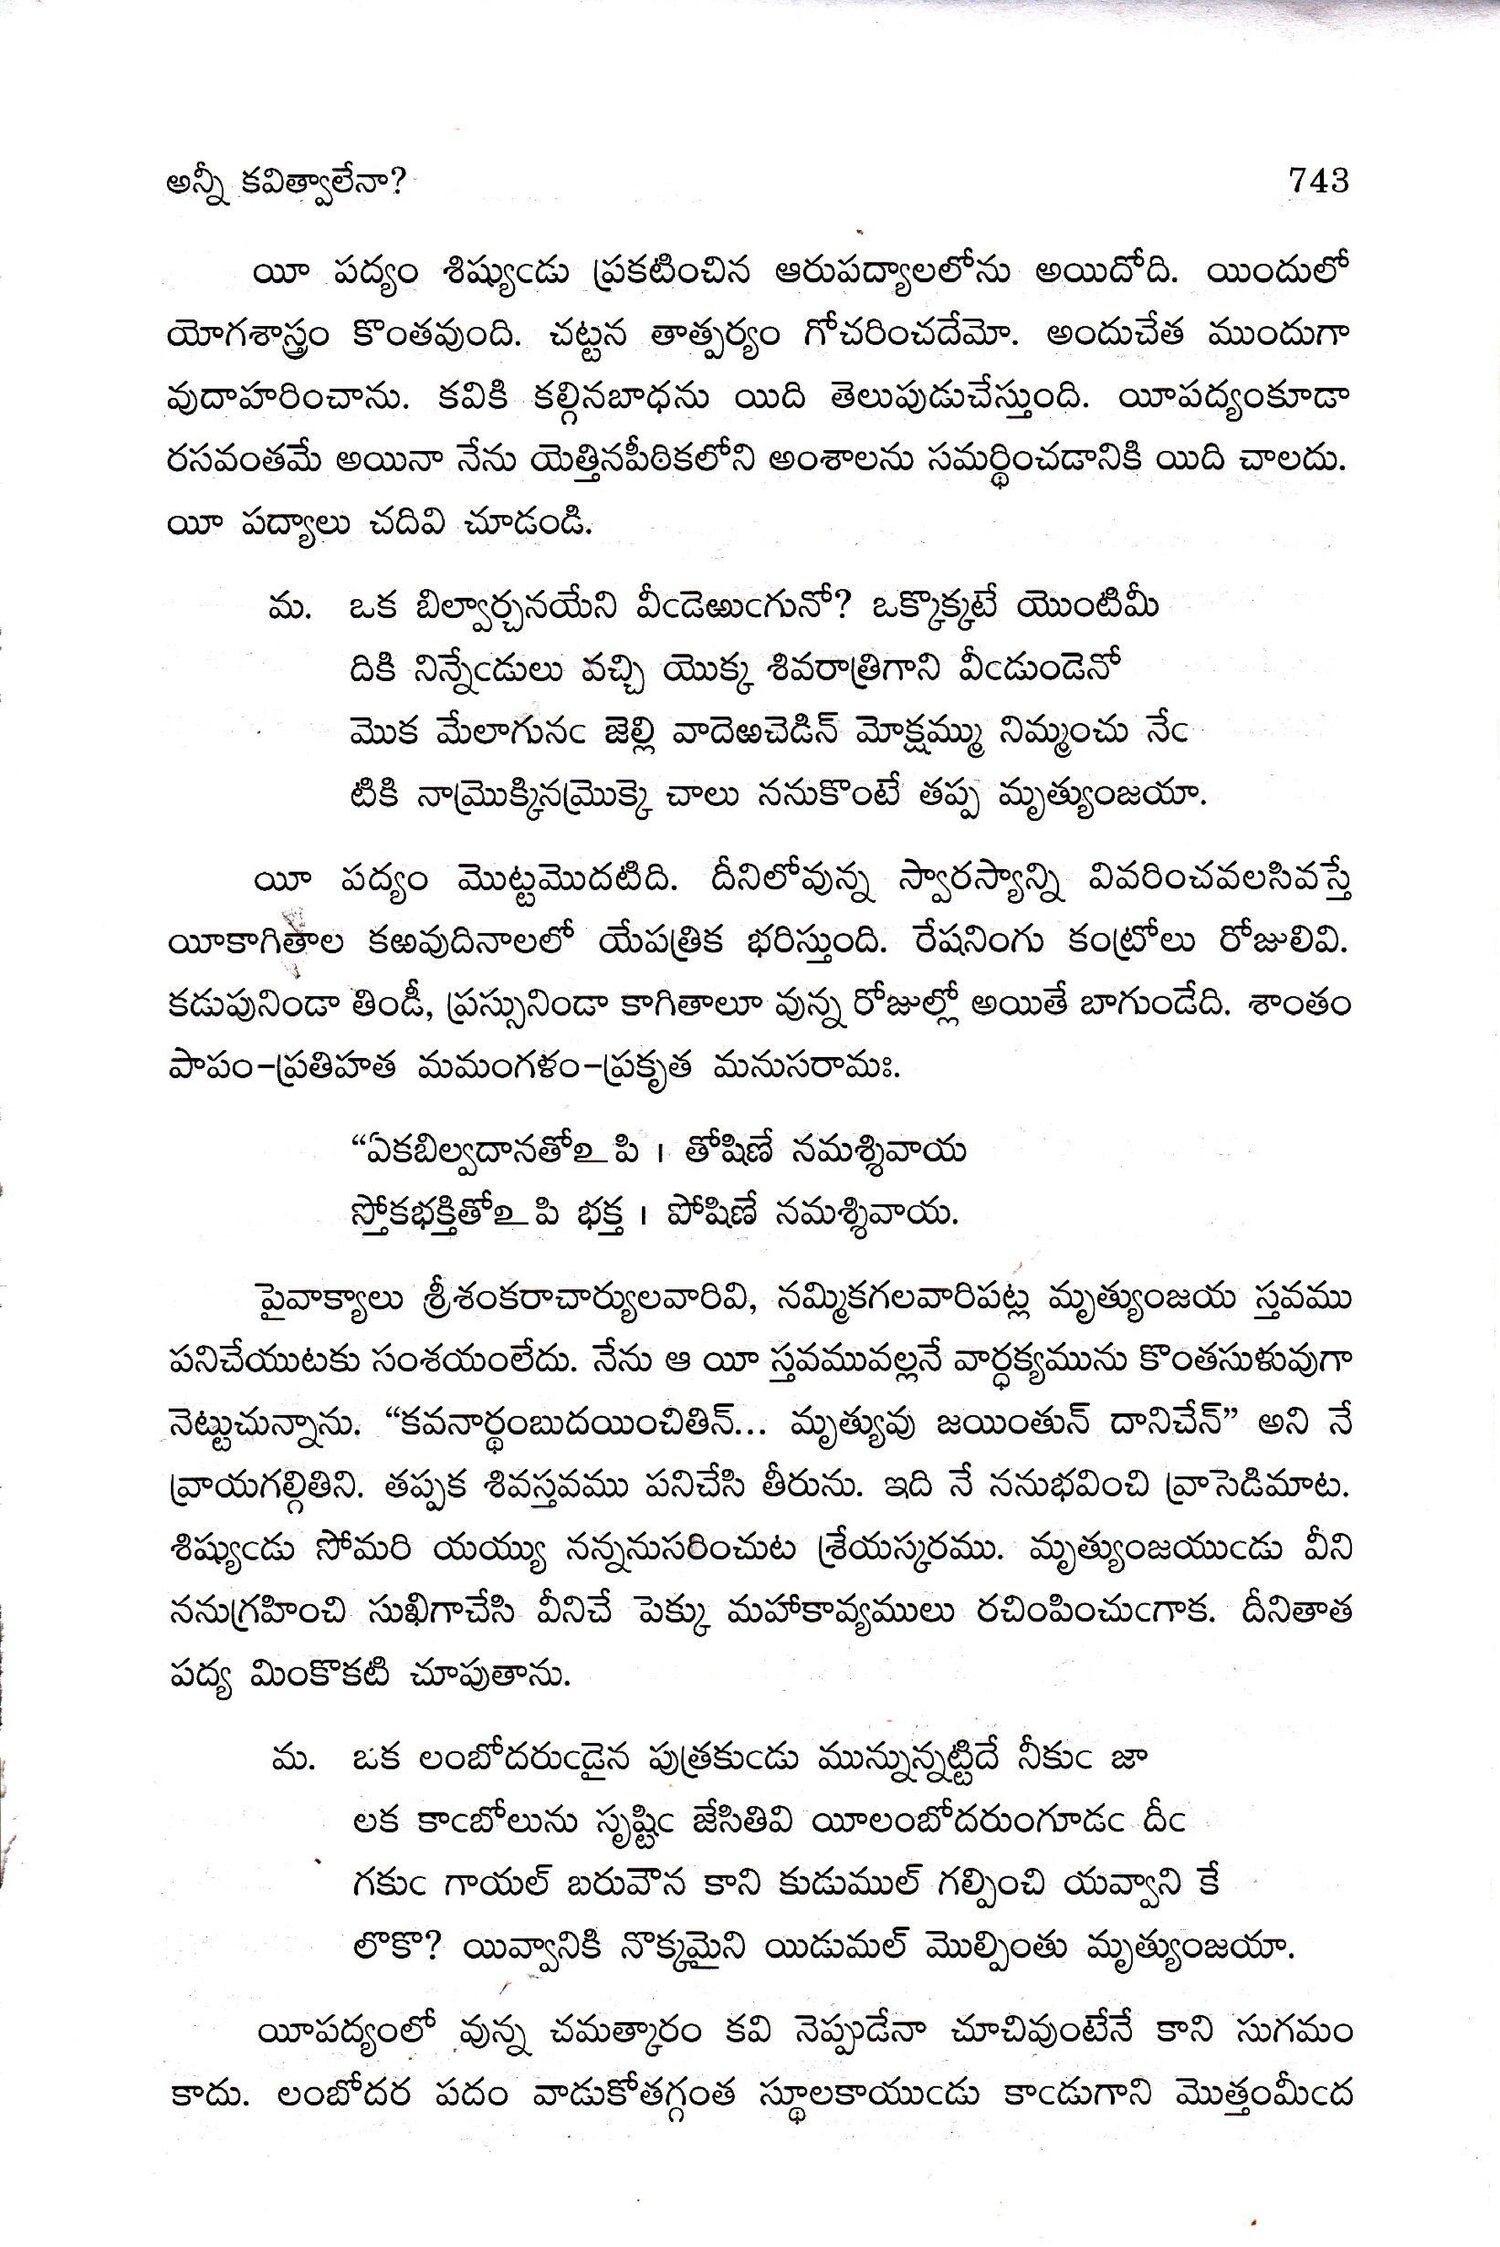యీ పద్యం శిష్యుఁడు ప్రకటించిన ఆరుపద్యాలలోను అయిదోది. యిందులో యోగశాస్త్రం కొంతవుంది. చట్టన తాత్పర్యం గోచరించదేమో. అందుచేత ముందుగా వుదాహరించాను. కవికి కల్గినబాధను యిది తెలుపుడుచేస్తుంది. యీపద్యంకూడా
రసవంతమే అయినా నేను యెత్తినపీఠికలోని అంశాలను సమర్ధించడానికి యిది చాలదు. యీ పద్యాలు చదివి చూడండి.

మ. ఒక బిల్వార్చనయేని వీఁడెఱుఁగునో? ఒక్కొక్కటే యొంటిమీ
 దికి నిన్నేఁడులు వచ్చి యొక్క శివరాత్రిగాని వీఁడుండెనో 
 మొక మేలాగునఁ జెల్లి వాదెఱచెడిన్ మోక్షమ్ము నిమ్మంచు నేఁ 
 టికి నామ్రొక్కినమ్రొక్కె చాలు ననుకొంటే తప్ప మృత్యుంజయా,
యీ పద్యం మొట్టమొదటిది. దీనిలోవున్న స్వారస్యాన్ని వివరించవలసివస్తే యీకాగితాల కఱవుదినాలలో యేపత్రిక భరిస్తుంది. రేషనింగు కంట్రోలు రోజులివి. కడుపునిండా తిండీ, ప్రస్సునిండా కాగితాలూ వున్న రోజుల్లో అయితే బాగుండేది. శాంతం పాపం-ప్రతిహత మమంగళం-ప్రకృత మనుసరామః

“ఏకబిల్వదానతో౽పి | తోషిణే నమశ్శివాయ 
 స్తోకభక్తితో౽పి భక్త 1 పోషిణే నమశ్శివాయ.
పైవాక్యాలు శ్రీశంకరాచార్యులవారివి, నమ్మికగలవారిపట్ల మృత్యుంజయ స్తవము పనిచేయుటకు సంశయంలేదు. నేను ఆ యీ స్తవమువల్లనే వార్ధక్యమును కొంతసుళువుగా నెట్టుచున్నాను. “కవనార్ధంబుదయించితిన్. మృత్యువు జయింతున్ దానిచేన్” అని నే వ్రాయగల్గితిని. తప్పక శివస్తవము పనిచేసి తీరును. ఇది నే ననుభవించి వ్రాసెడిమాట. శిష్యుఁడు సోమరి యయ్యు నన్ననుసరించుట శ్రేయస్కరము. మృత్యుంజయుఁడు వీని ననుగ్రహించి సుఖిగాచేసి వీనిచే పెక్కు మహాకావ్యములు రచింపించుఁగాక. దీనితాత పద్య మింకొకటి చూపుతాను.

మ. ఒక లంబోదరుఁడైన పుత్రకుఁడు మున్నున్నట్టిదే నీకుఁ జా
 లక కాఁబోలును సృష్టిఁ జేసితివి యీలంబోదరుంగూడఁ దీఁ 
 గకుఁ గాయల్ బరువౌన కాని కుడుముల్ గల్పించి యవ్వాని కే 
 లొకొ? యివ్వానికి నొక్కమైని యిడుమల్ మొల్పింతు మృత్యుంజయా.
యీపద్యంలో వున్న చమత్కారం కవి నెప్పుడేనా చూచివుంటేనే కాని సుగమం కాదు. లంబోదర పదం వాడుకోతగ్గంత స్థూలకాయుఁడు కాఁడుగాని మొత్తంమీఁద